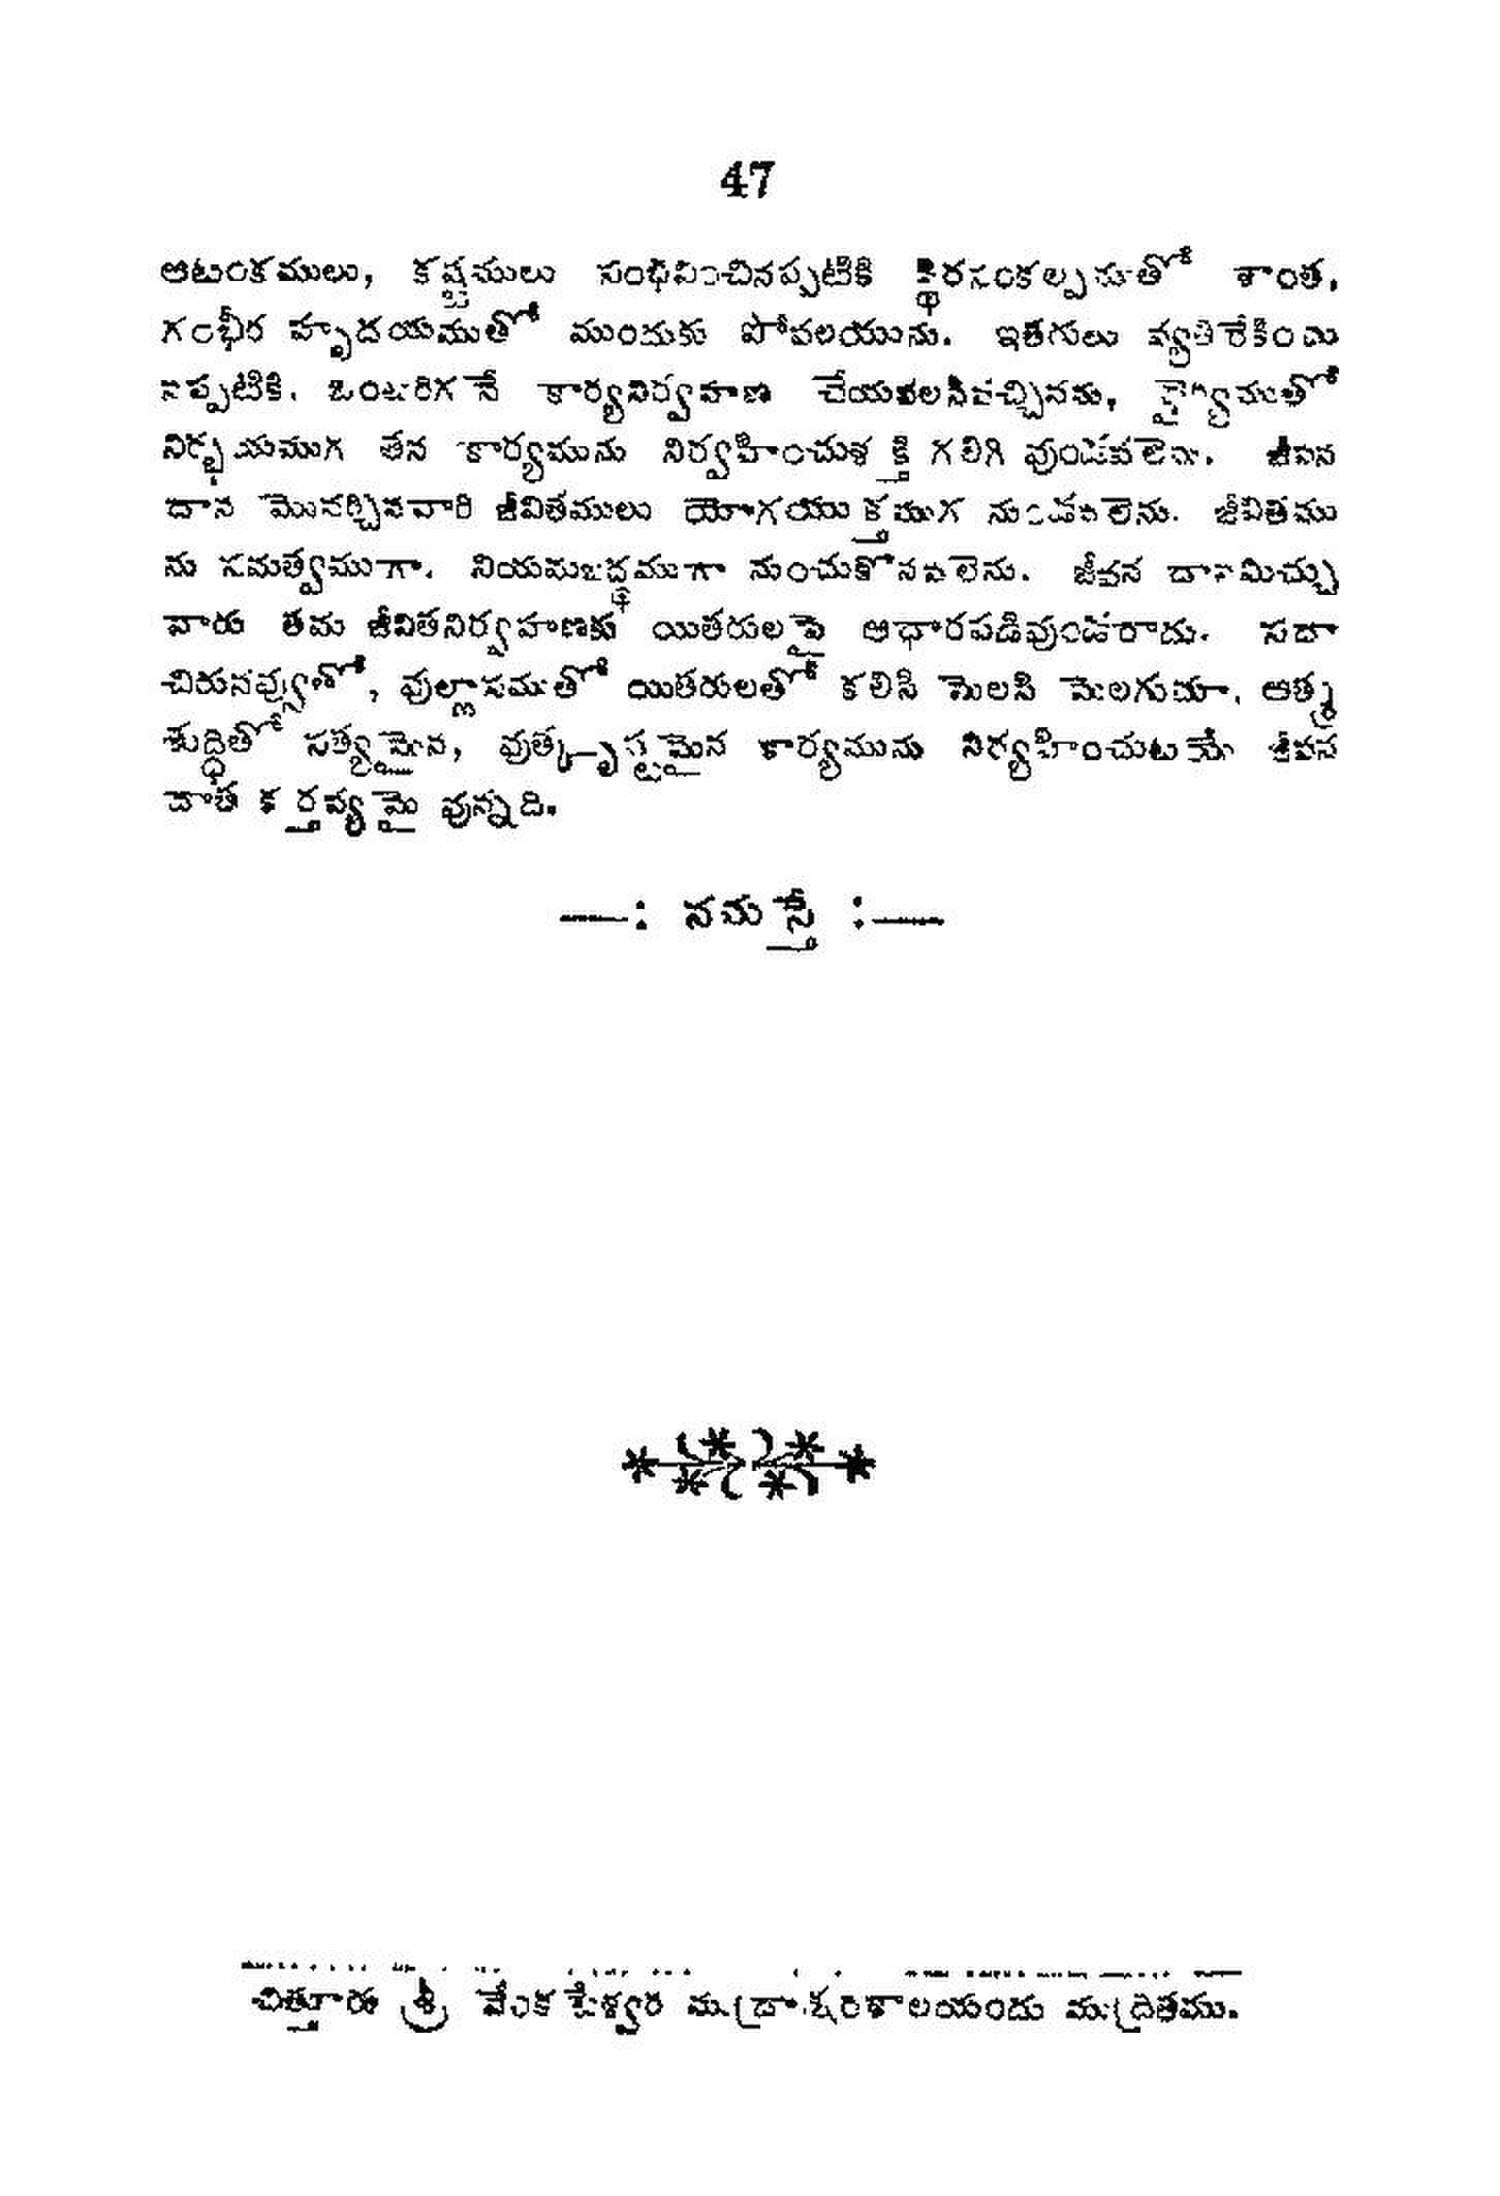ఆటంకములు, కష్టములు సంభవించినప్పటికి స్థిరసంకల్పముతో శాంత, గంభీర హృదయముతో ముందుకు పోవలయును. ఇతరులు వ్యతిరేకించు నప్పటికి, ఒంటరిగనే కార్యనిర్వహణ చేయవలసివచ్చినను, ధైర్యముతో నిర్భయముగ తన కార్యమును నిర్వహించుశక్తి గలిగి వుండవలెను. జీవన దాన మొనర్చివారి జీవితములు యోగయుక్తముగ నుండవలెను. జీవితమును సమత్వముగా, నియమబద్దముగా నుంచుకొనవలెను. జీవన దానిమిచ్చు వారు తమ జీవితనిర్వహణకు యితరులపై ఆధారపడివుండరాదు. సదా చిరునవ్వుతో, వుల్లాసముతో యితరులతో కలిసి మెలసి మెలగుచూ, ఆత్మశుద్ధితో సత్యమైన, పుత్కృష్టమైన కార్యమును నిర్వహించుటయే జీవన దాత కర్తవ్యమై వున్నది.

-: నమస్తే :--

చిత్తూరు శ్రీ వేంకటేశ్వర ముద్రాక్షరశాలయందు ముద్రితము.